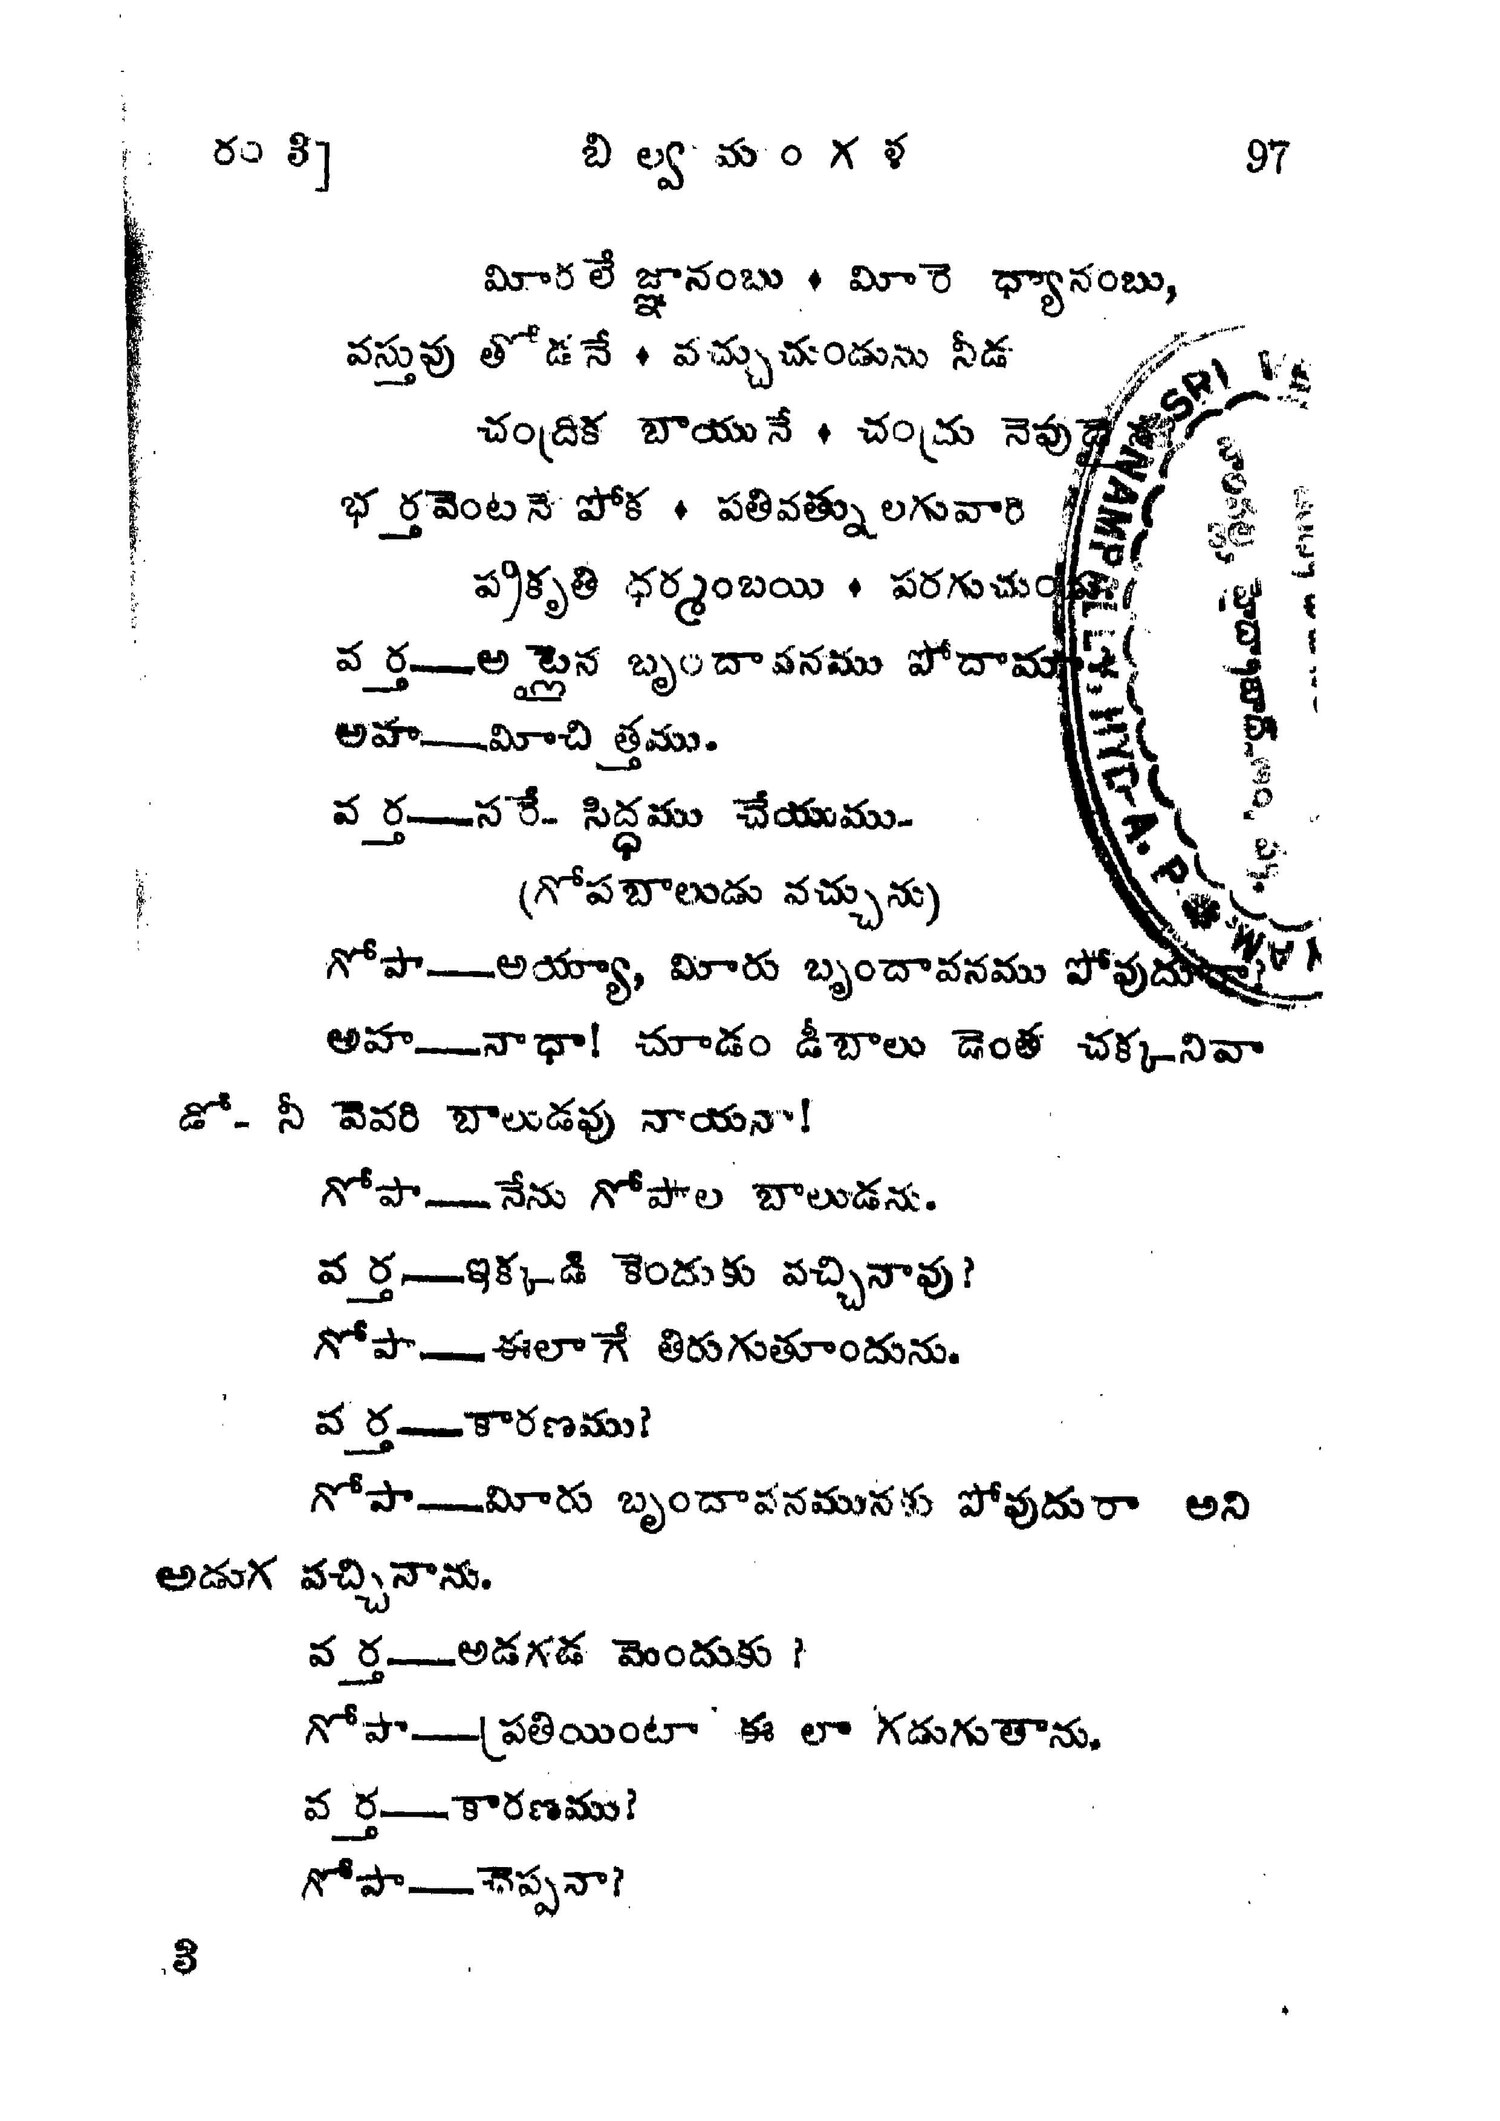మీరలే జ్ఞానంబు ♦ మీరె ధ్యానంబు,
 వస్తువు తోడనే ♦ వచ్చుచుండును నీడ
 చంద్రిక బాయునే ♦ చంద్రు నెపుడైన
 భర్తవెంటనె పోక ♦ పతిపత్నులగువారి
 ప్రకృతి ధర్మంబయి ♦ పరుగుచుండు.

వర్త - అట్లైన బృందావనము పోదాము.

అహ - మీచిత్తము.

వర్త - సరే - సిద్ధము చేయుము.

గోపా - అయ్యా, మీరు బృందావనము పోవుదురా?

అహ - నాధా! చూడం డీబాలు డెంత చక్కనివాడో - నీ వెవరి బాలుడవు నాయనా!

గోపా - నేను గోపాల బాలుడను.

వర్త - ఇక్కడికి కెందుకు వచ్చినావు?

గోపా - ఈలాగే తిరుగుతూందును.

వర్త - కారణము?

గోపా - మీరు బృందావనమునకు పోవుదురా అని అడుగ వచ్చినాను.

వర్త - అడగడ మెందుకు ?

గోపా - ప్రతియింటా ఈ లా గడుగుతాను.

వర్త - కారణము?

గోపా - చెప్పనా?